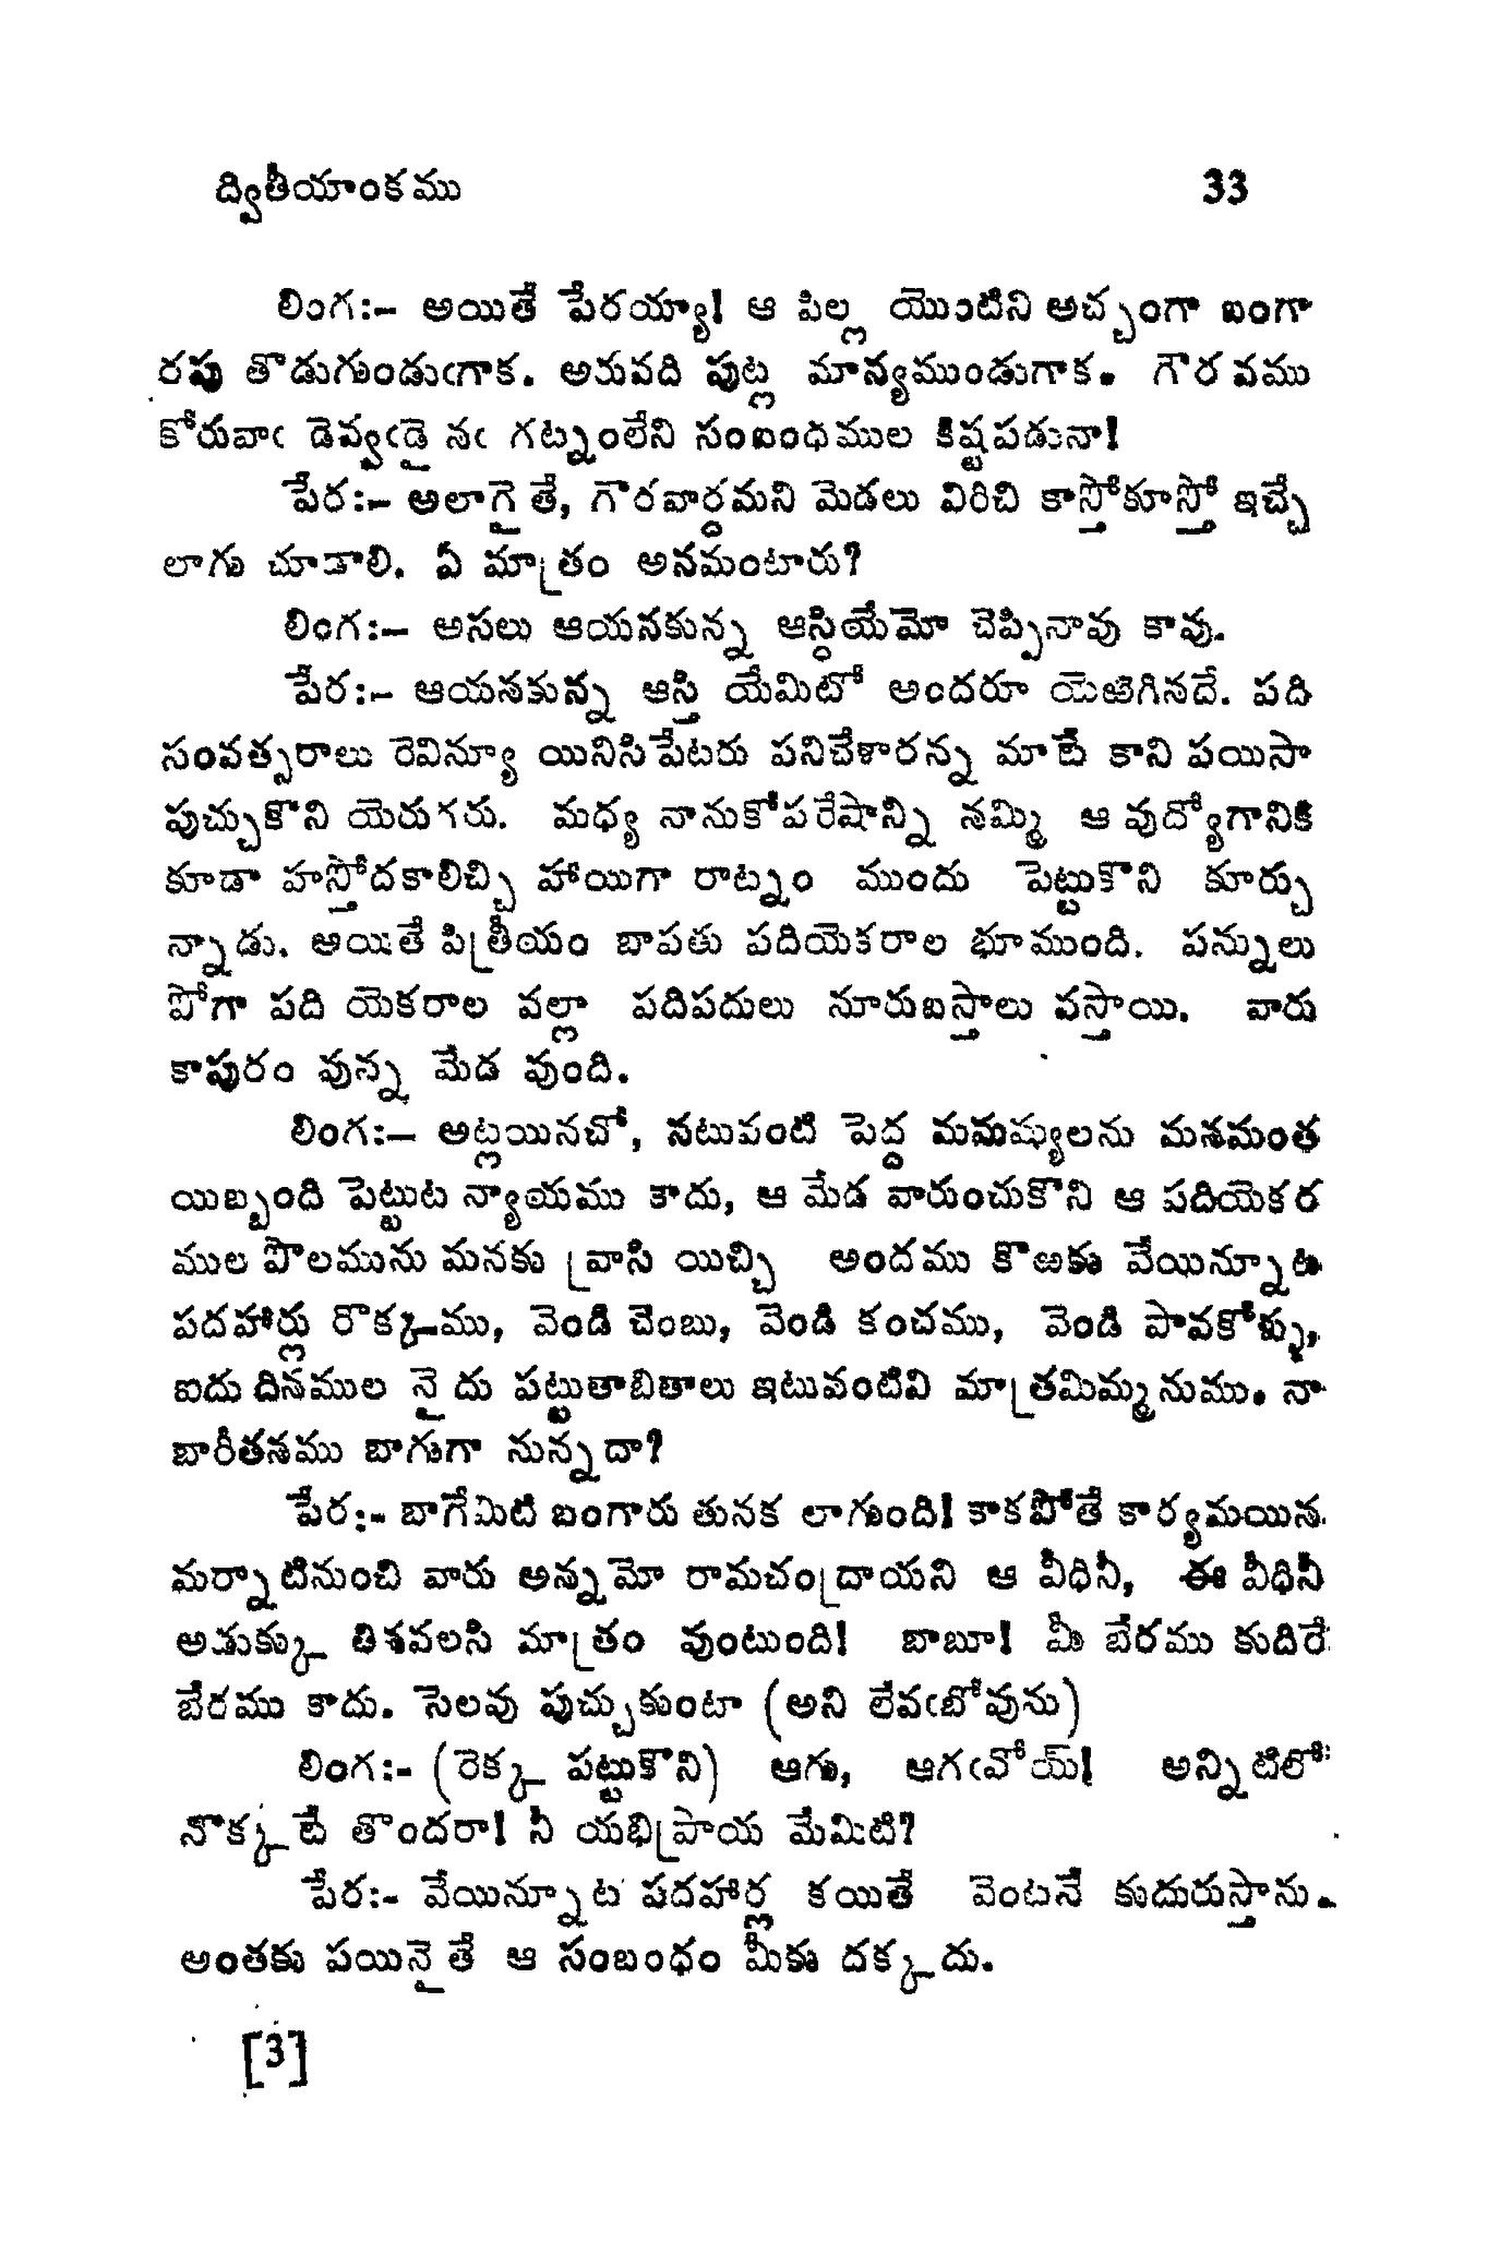లింగ :- అయితే పేరయ్యా! ఆ పిల్ల యొంటిని అచ్చంగా బంగారపు తొడుగుండుఁగాక అరువది పుట్ల మాన్యముండుగాక గౌరవము కోరువాఁ డెవ్వఁడైనఁ గట్నంలేని సంబంధముల కిష్టపడునా!

పేర :- అలాగైతే, గౌరవార్థమని మెడలు విరిచి కాస్తోకూస్తో ఇచ్చే లాగు చూడాలి. ఏమాత్రం అనమంటారు?

లింగ :- అసలు ఆయనకున్న అస్థియేమో చెప్పినావు కావు.

పేర :- ఆయనకున్న ఆస్తి యేమిటో అందరూ యెఱిగినదే. పది సంవత్సరాలు రెవిన్యూ యినిసిపేటరు పనిచేశారన్న మాటే కాని పయిసా పుచ్చుకొని యెరుగరు. ఈమధ్య నానుకోపరేషాన్ని నమ్మి ఆవుద్యోగానికి గూడా హస్తోదకాలిచ్చి హాయిగా రాట్నం ముందు పెట్టుకొని కూర్చున్నాడు. అయితే, పిత్రీయం బాపతు పదియెకరాల భూముంది. పన్నులు పోగా పదియెకరాల వల్లా పదిపదులు నూరుబస్తాలు వస్తాయి. వారు కాపురంవున్న మేడ వుంది.

లింగ :- అట్లయినచో, నటువంటి పెద్దమనుష్యులను మనమంత యిబ్బంది పెట్టుట న్యాయము కాదు, ఆ మేడ వారుంచుకొని ఆ పదియెకరముల పొలమును మనకు వ్రాసి యిచ్చి అందము కొఱకు వేయిన్నూటపదార్లు రొక్కము, వెండిచెంబు, వెండికంచము, వెండి పావకోళ్ళు, ఐదుదినముల నైదు పట్టుతాబితాలు ఇటువంటివి మాత్రమిమ్మనుము. నా బారీతనము బాగుగ నున్నదా?

పేర :- బాగేమిటి బంగారు తునక లాగుంది! కాకపోతే, కార్యమయిన మర్నాటినుంచి వారు అన్నమో రామచంద్రాయని ఆవీధినీ, యీవీధినీ అడుక్కు తినవలసి మాత్రం వుంటుంది! బాబూ! మీ బేరము కుదిరేబేరము కాదు! సెలవు పుచ్చుకుంటా. (అని లేవఁబోవును.)

లింగ :- (రెక్క పట్టుకొని) ఆగు ఆగఁవోయ్‌! అన్నిటిలో నొక్కటే తొందరా! నీ యభిప్రాయ మేమిటి?

పేర :- వేయిన్నూట పదహార్ల కయితే వెంటనే కుదురుస్తాను. అంతకు పయినైతే ఆ సంబంధం మీకు దక్కదు.